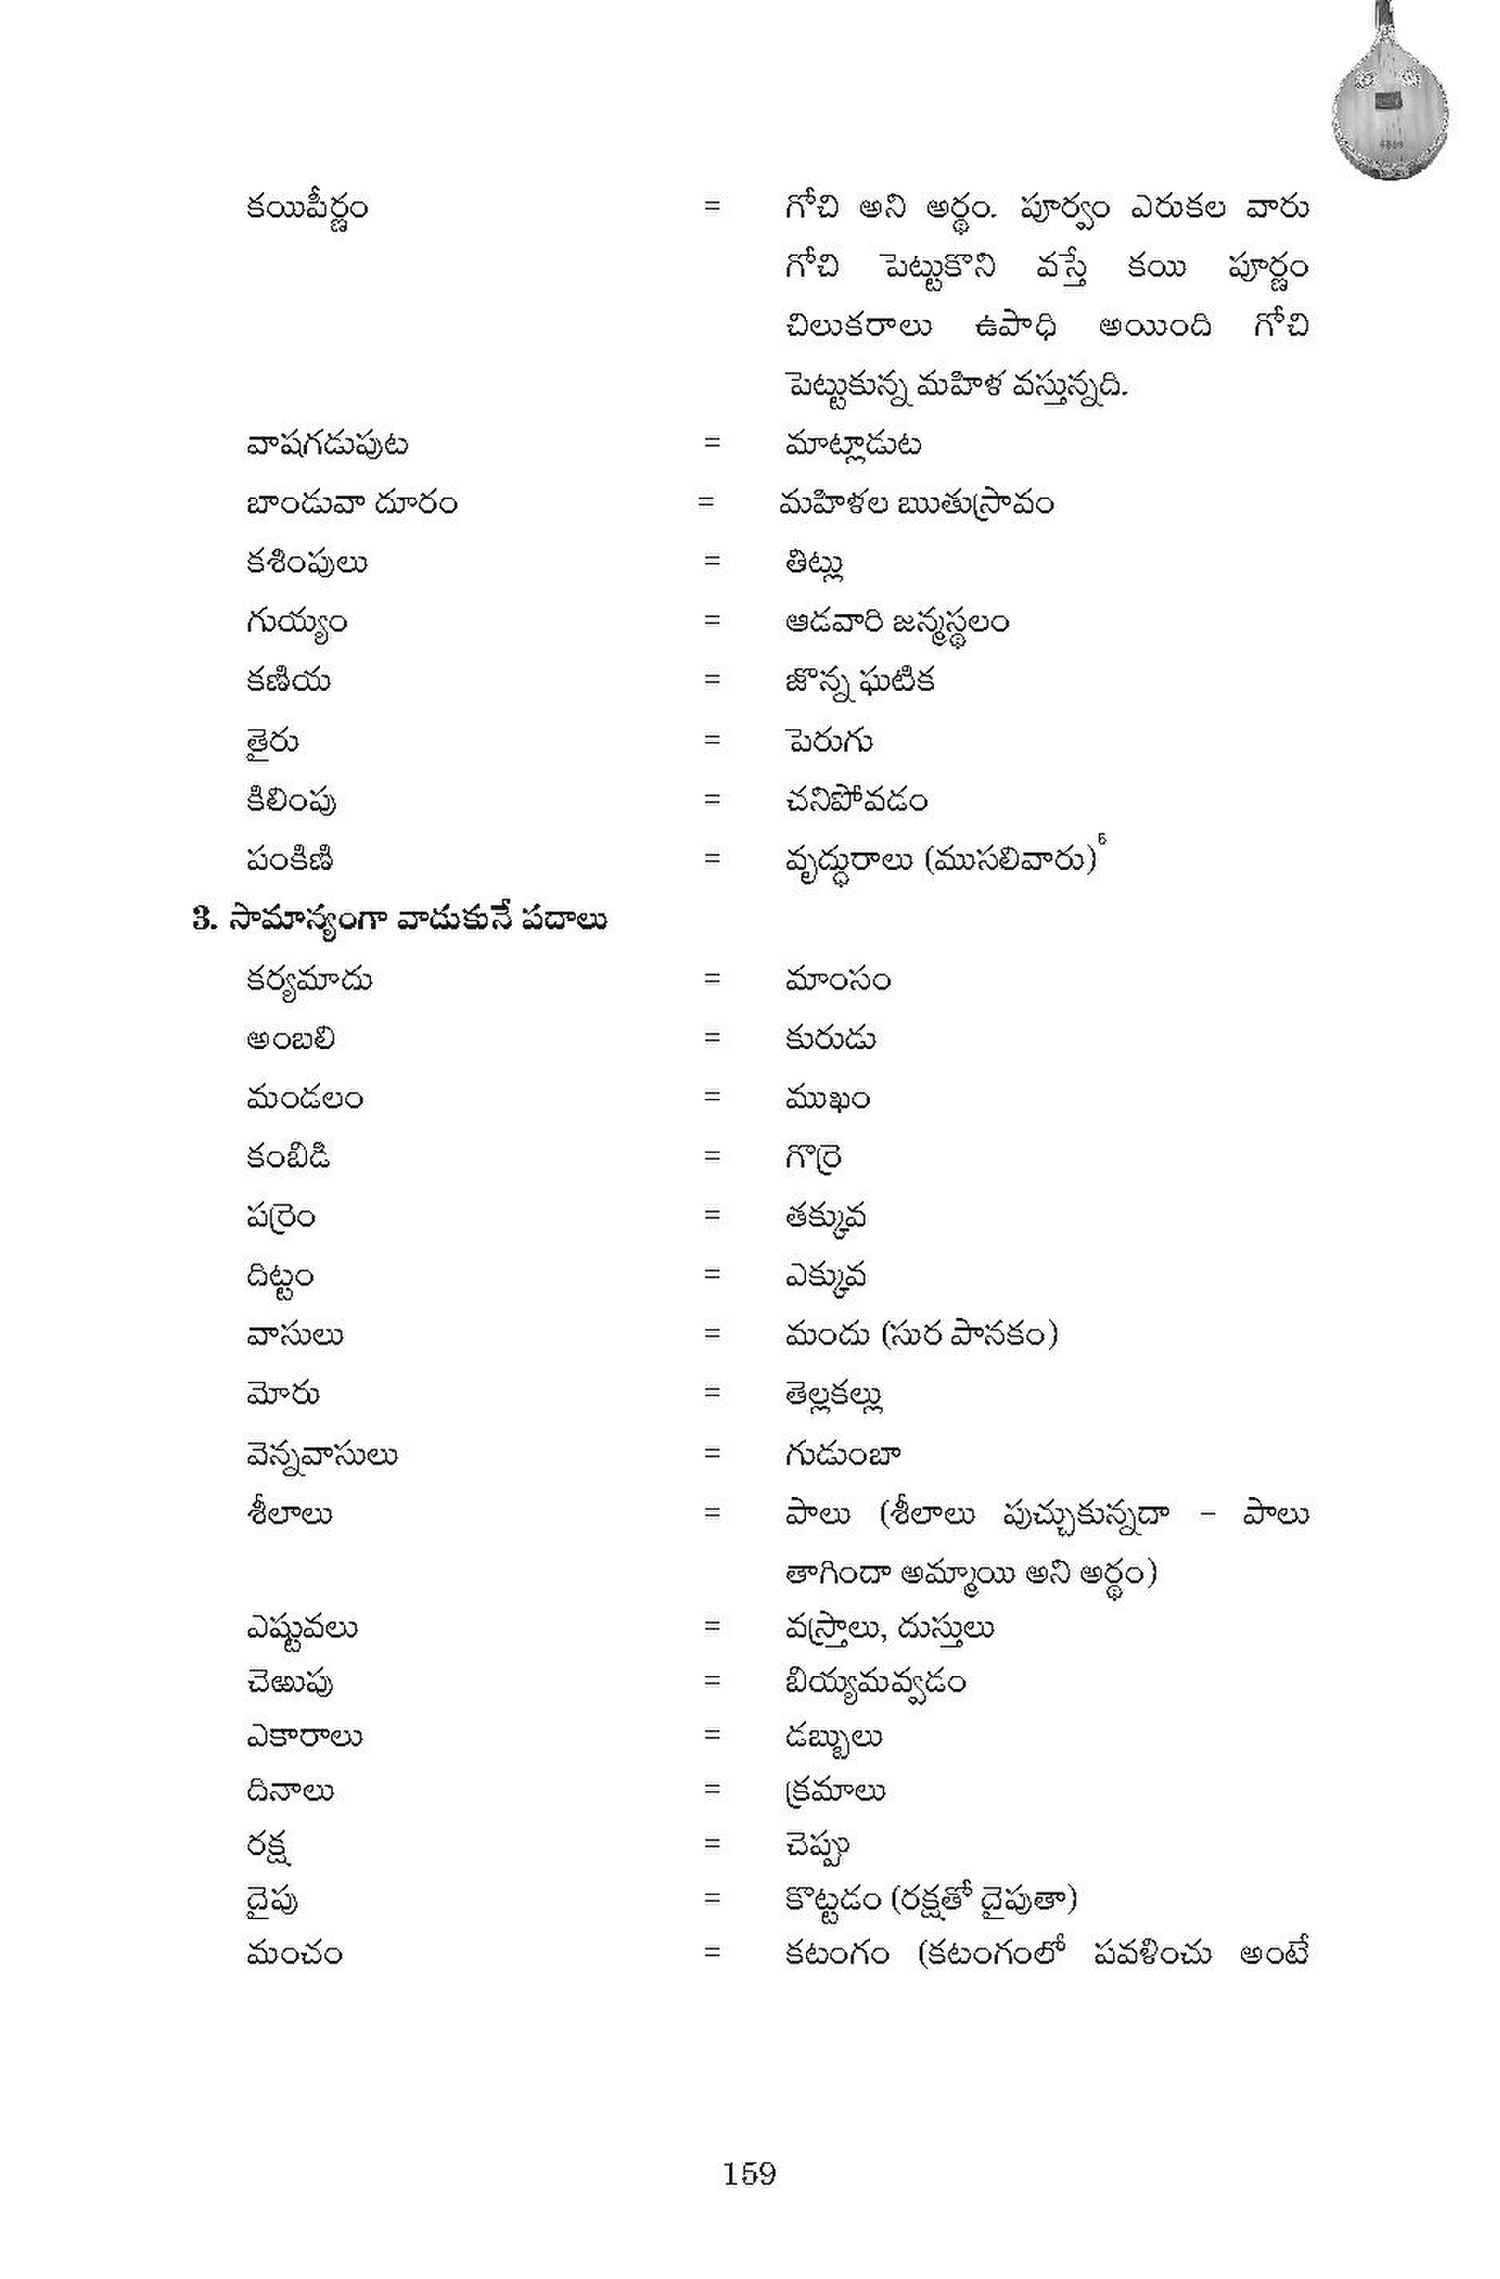+ కయిపీర్ణం గోచి అని అర్థం. పూర్వం ఎరుకల వారు గోచి పెట్టుకొని వస్తే కయి పూర్ణం చిలుకరాలు ఉపాధి అయింది గోచి పెట్టుకున్న మహిళ వస్తున్నది. వాషగడుపుట మాట్లాడుట బాండువా దూరం మహిళల ఋతుస్రావం కశింపులు తిట్లు గుయ్యం ఆడవారి జన్మస్థలం కణియ జొన్న ఘటిక తైరు పెరుగు కిలింపు చనిపోవడం పంకిణి వృద్ధురాలు (ముసలివారు)6

3. సామాన్యంగా వాడుకునే పదాలు 
+ కర్యమాదు మాంసం అంబలి కురుడు మండలం ముఖం కంబిడి గొర్రె పర్రెం తక్కువ దిట్టం ఎక్కువ వాసులు మందు (సుర పానకం) మోరు తెల్లకల్లు వెన్నవాసులు గుడుంబా శీలాలు పాలు (శీలాలు పుచ్చుకున్నదా-పాలు తాగిందా అమ్మాయి అని అర్థం) ఎష్టువలు వస్త్రాలు, దుస్తులు చెఱుపు బియ్యమవ్వడం ఎకారాలు డబ్బులు దినాలు క్రమాలు రక్ష చెప్పు దైపు కొట్టడం (రక్షతో దైపుతా) మంచం కటంగం (కటంగంలో పవళించు అంటే మంచంలొ పడుకొమని అర్ధం}